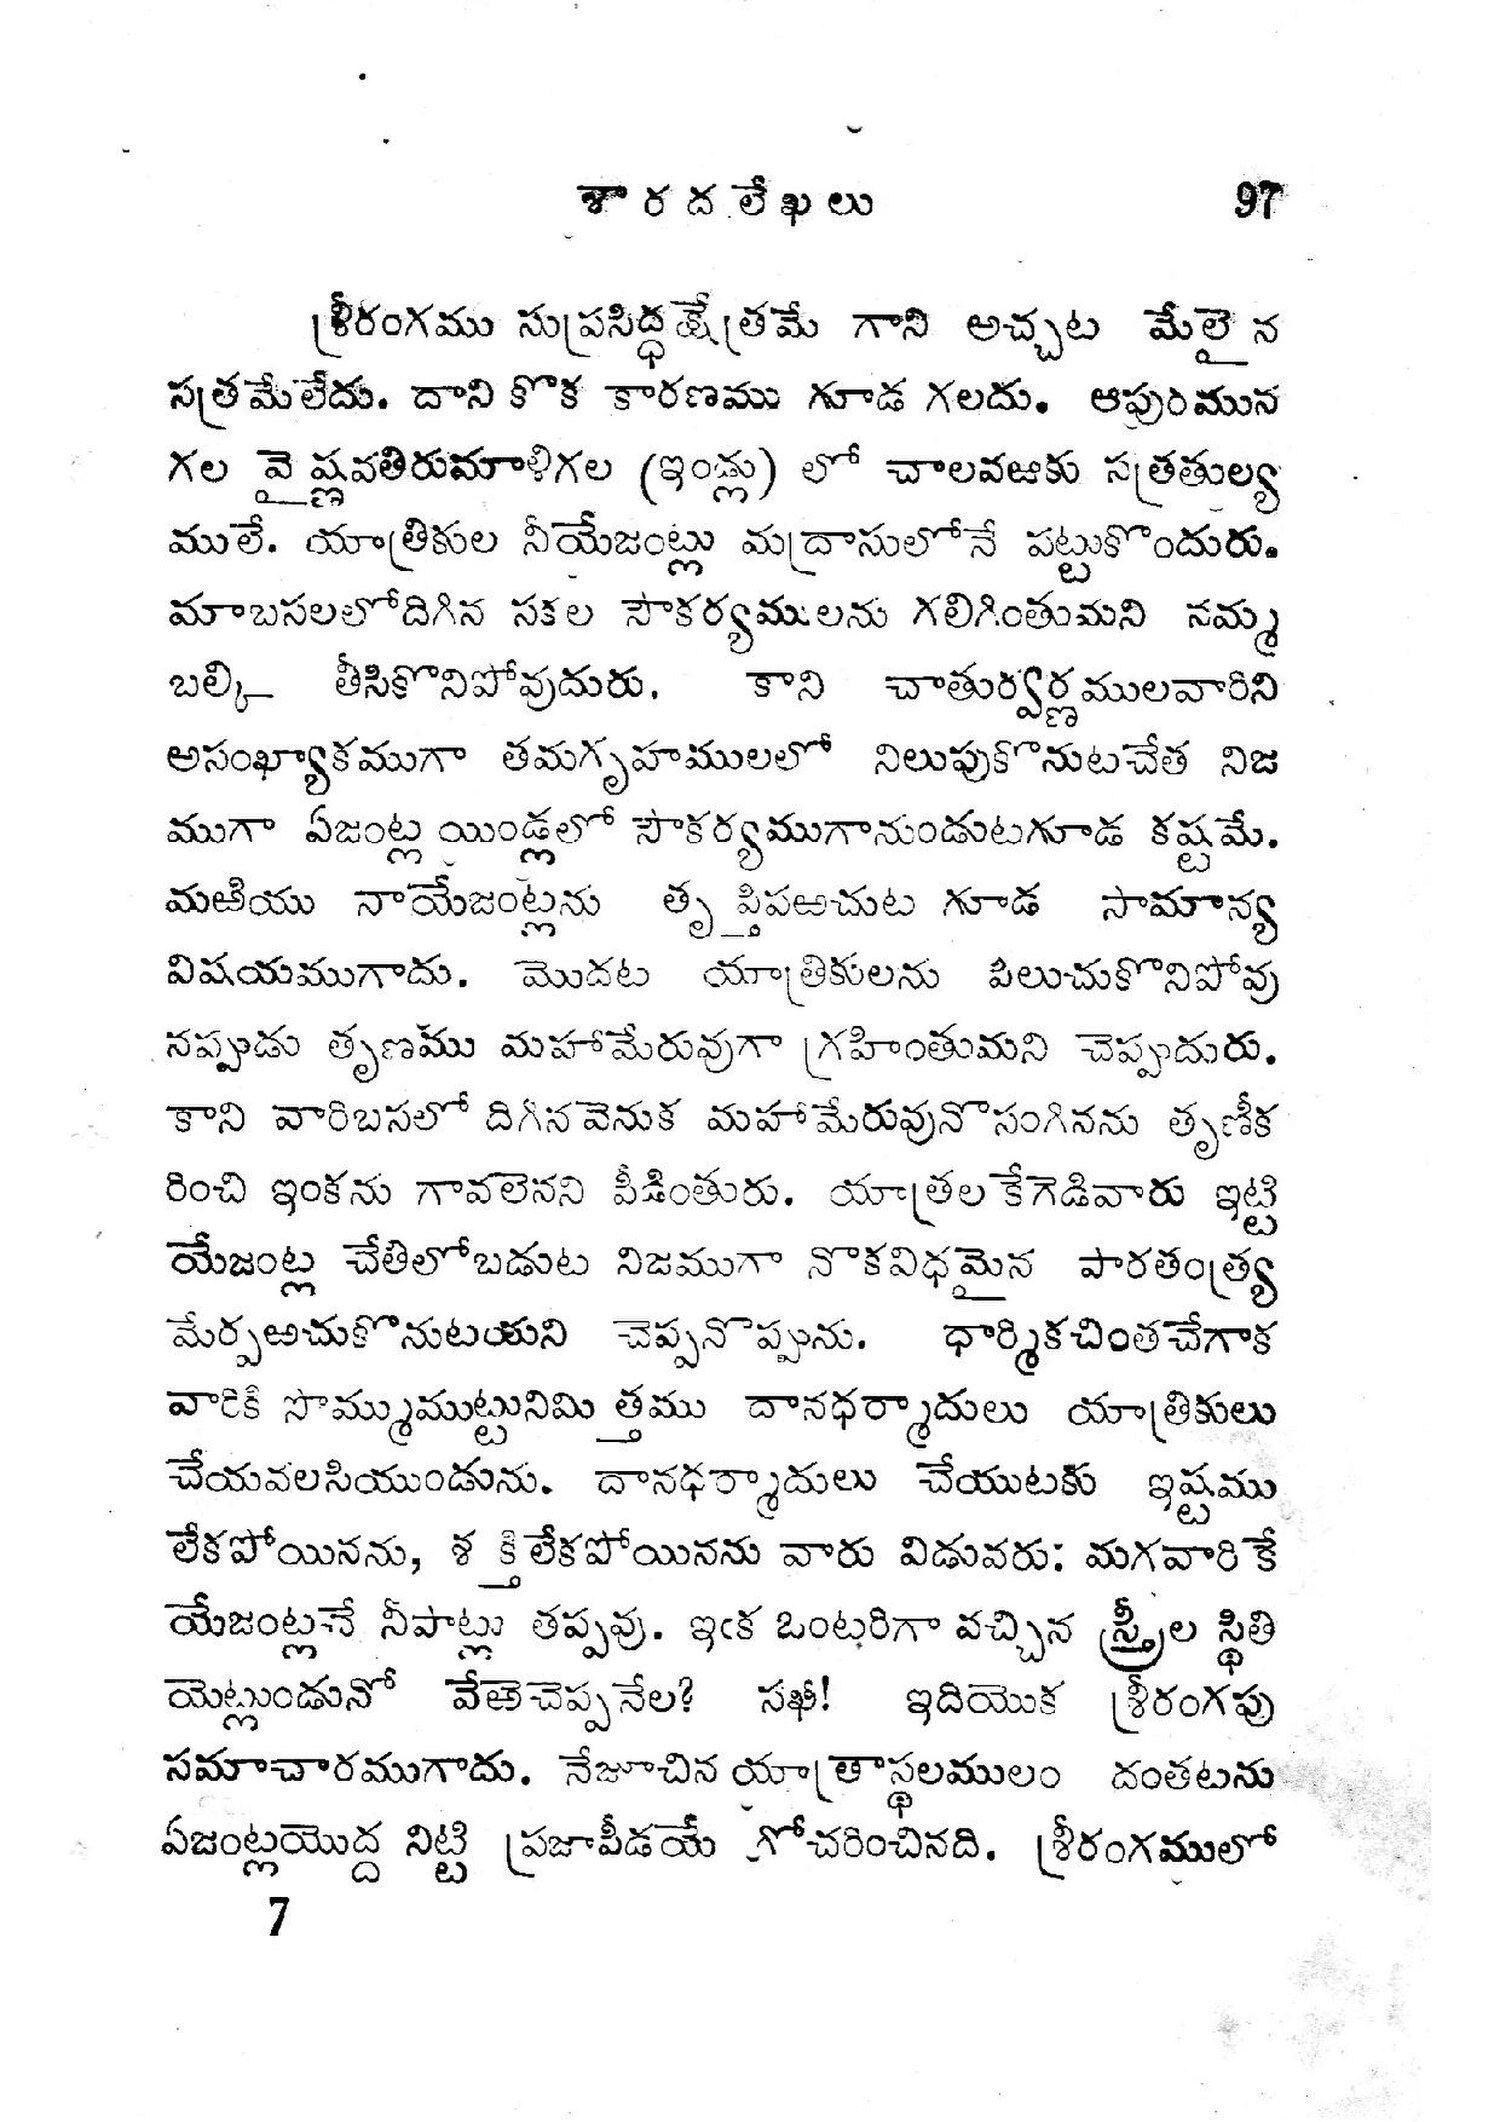శ్రీరంగము సుప్రసిద్ధక్షేత్రమే గాని అచ్చట మేలైన సత్రమేలేదు. దాని కొక కారణము గూడ గలదు. ఆపురమున గల వైష్ణవతిరుమాళిగల (ఇండ్లు) లో చాలవఱకు సత్రతుల్యములే. యాత్రికుల నీయేజంట్లు మద్రాసులోనే పట్టుకొందురు. మాబసలలోదిగిన సకల సౌకర్యములను గలిగింతుమని నమ్మబల్కి తీసికొనిపోవుదురు. కాని చాతుర్వర్ణములవారిని అసంఖ్యాకముగా తమగృహములలో నిలుపుకొనుటచేత నిజముగా ఏజంట్ల యిండ్లలో సౌకర్యముగానుండుటగూడ కష్టమే. మఱియు నాయేజంట్లను తృప్తిపఱచుట గూడ సామాన్య విషయముగాదు. మొదట యాత్రికులను పిలుచుకొనిపోవునప్పుడు తృణము మహామేరువుగా గ్రహింతుమని చెప్పుదురు. కాని వారిబసలో దిగినవెనుక మహామేరువునొసంగినను తృణీకరించి ఇంకను గావలెనని పీడింతురు. యాత్రలకేగెడివారు ఇట్టి యేజంట్ల చేతిలోబడుట నిజముగా నొకవిధమైన పారతంత్ర్య మేర్పఱచుకొనుటయని చెప్పనొప్పును. ధార్మికచింతచేగాక వారికి సొమ్ముముట్టునిమిత్తము దానధర్మాదులు యాత్రికులు చేయవలసియుండును. దానధర్మాదులు చేయుటకు ఇష్టము లేకపోయినను, శక్తిలేకపోయినను వారు విడువరు: మగవారికే యేజంట్లచే నీపాట్లు తప్పవు. ఇఁక ఒంటరిగా వచ్చిన స్త్రీల స్థితి యెట్లుండునో వేఱెచెప్పనేల? సఖీ! ఇదియొక శ్రీరంగపు సమాచారముగాదు. నేజూచిన యాత్రాస్థలములం దంతటను ఏజంట్లయొద్ద నిట్టి ప్రజాపీడయే గోచరించినది. శ్రీరంగములో